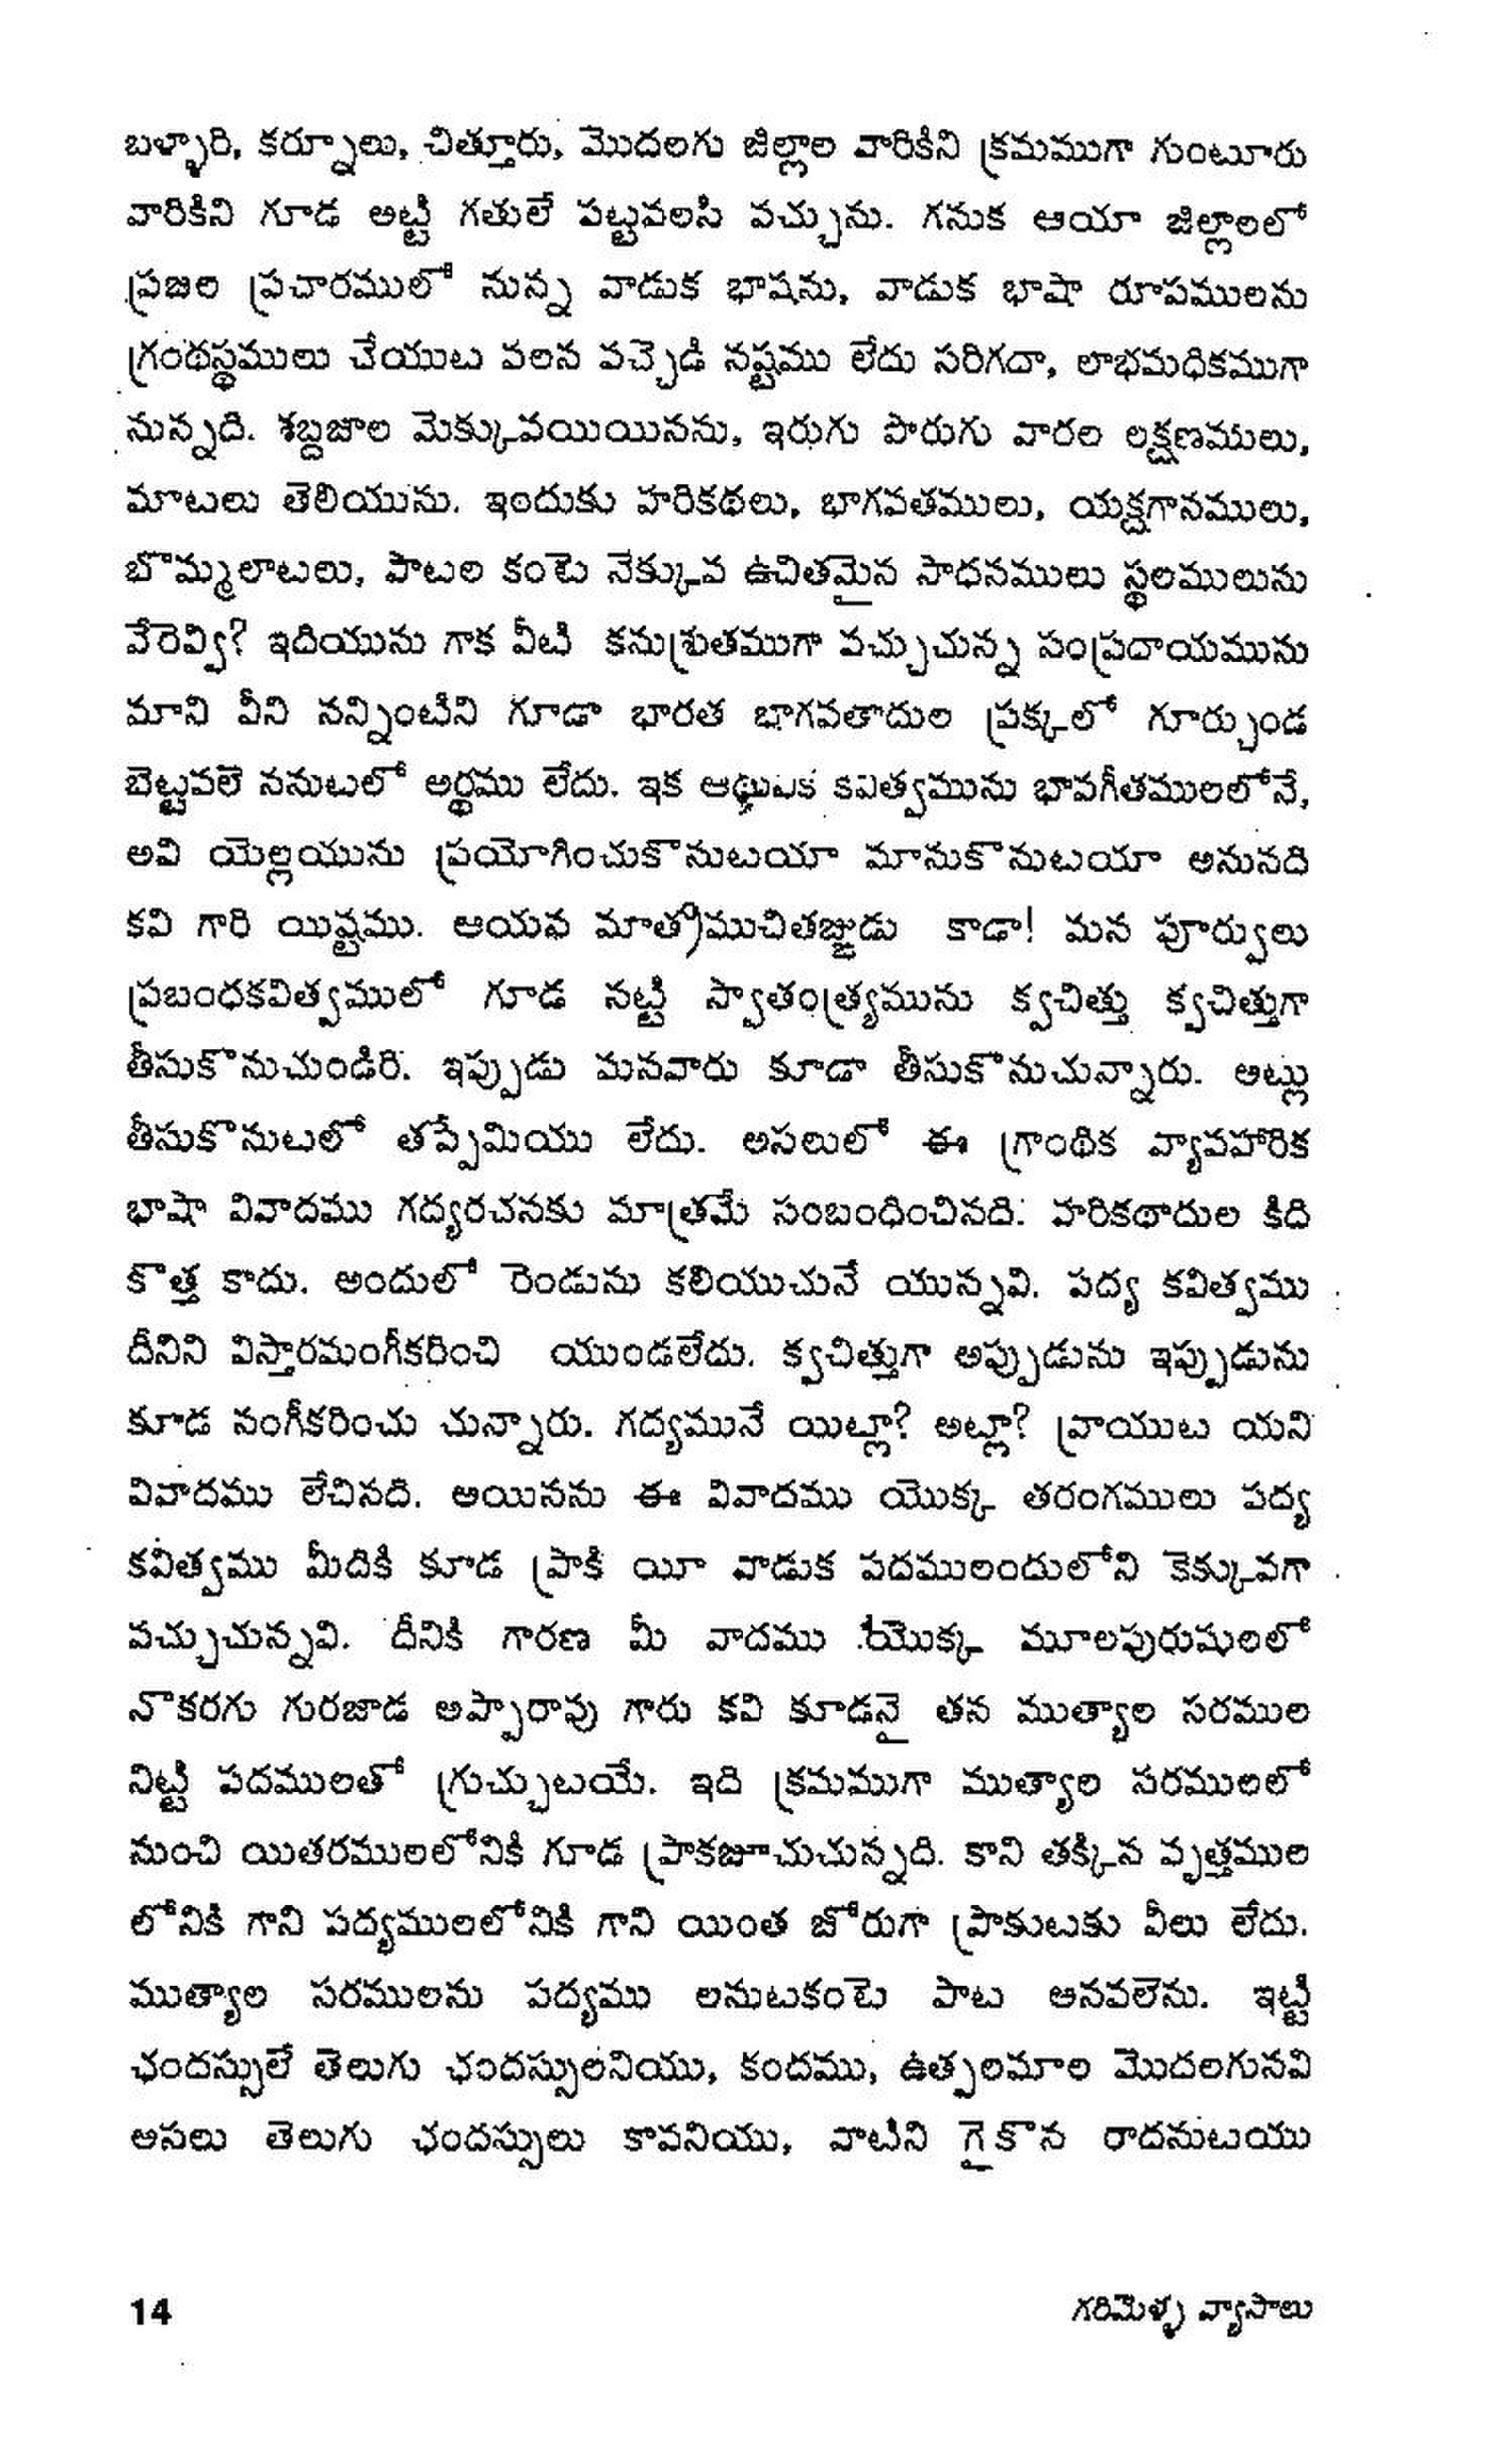బళ్ళారి, కర్నూలు, చిత్తూరు, మొదలగు జిల్లాల వారికిని క్రమముగా గుంటూరు వారికిని గూడ అట్టి గతులే పట్టవలసి వచ్చును. గనుక ఆయా జిల్లాలలో ప్రజల ప్రచారములో నున్న వాడుక భాషను, వాడుక భాషా రూపుములను గ్రంధస్థములు చేయుట వలన వచ్చెడి నష్టము లేదు సరిగదా, లాభమధికముగా నున్నది. శబ్ధజాల మెక్కువయయినను, ఇరుగు పొరుగు వారల లక్షణములు, మాటలు తెలియును. ఇందుకు హరికథలు, భాగవతములు, యక్షగానములు, బొమ్మలాటలు, పాటల కంటె నెక్కువ ఉచితమైన సాదనములు స్థలములును వేరెవ్వి? ఇదియును గాక వీటి కనుశ్రుతముగా వచ్చుచున్న సంప్రదాయమును మాని వీని నన్నింటిని గూడా భారత భాగవతాదుల ప్రక్కలో గూర్చుండ బెట్టవలె ననుటలో అర్థము లేదు. ఇక ఆథునిక కవిత్వమును భావగీతములలోనే, అవి యెల్లయును ప్రయోగించుకొనుటయా మానుకొనుటయా అనునది కవి గారి యిష్టము. ఆయన మాత్రముచితజ్జుడు కాడా! మన పూర్వులు ప్రబంధకవిత్వములో గూడ నట్టి స్వాతంత్ర్యమును క్వచిత్తు క్వచిత్తుగా తీసుకొనుచుండిరి. ఇప్పుడు మనవారు కూడా తీసుకొనుచున్నారు. అట్లు తీసుకొనుటలో తప్పేమియు లేదు. అసలులో ఈ గ్రాంథిక వ్యావహారిక భాషా వివాదము గద్యరచనకు మాత్రేమే సంబందించినది. హరికథాదుల కిది కొత్త కాదు. అందులో రెండును కలియుచునే యున్నవి. పద్య కవిత్వము దీనిని విస్తారమంగీకరించి యుండలేదు. క్వచిత్తుగా అప్పుడును ఇప్పుడును కూడ నంగీకరించు చున్నారు. గద్యమునే యిట్లా? అట్లా? వ్రాయుట యని వివాదము లేచినది. అయినను ఈ వివాదము యొక్క తరంగములు పద్య కవిత్వము మీదికి కూడ ప్రాకి యీ వాడుక పదములందులోని కెక్కువగా వచ్చుచున్నవి. దీనికి గారణ మీ వాదము యొక్క మూలపురుషులలో నొకరగు గురజాడ అప్పారావు గారు కవి కూడనై తన ముత్యాల సరములలో నుంచి యితరములలోనికి గూడ ప్రాకజూచుచున్నది. కాని తక్కిన వృత్తముల లోనికి గాని పద్యములలోనికి గాని యింత జోరుగా ప్రాకుటకు, వీలు లేదు. ముత్యాల సరములను పద్యము లనుటకంటె పాట అనవలెను. ఇట్టి చందస్సులే తెలుగు చందస్సులనియు, కందము, ఉత్పలమాల మొదలగునవి అసలు తెలుగు చందస్సులు కావనియు, వాటిని గైకొన రాదనుటయు